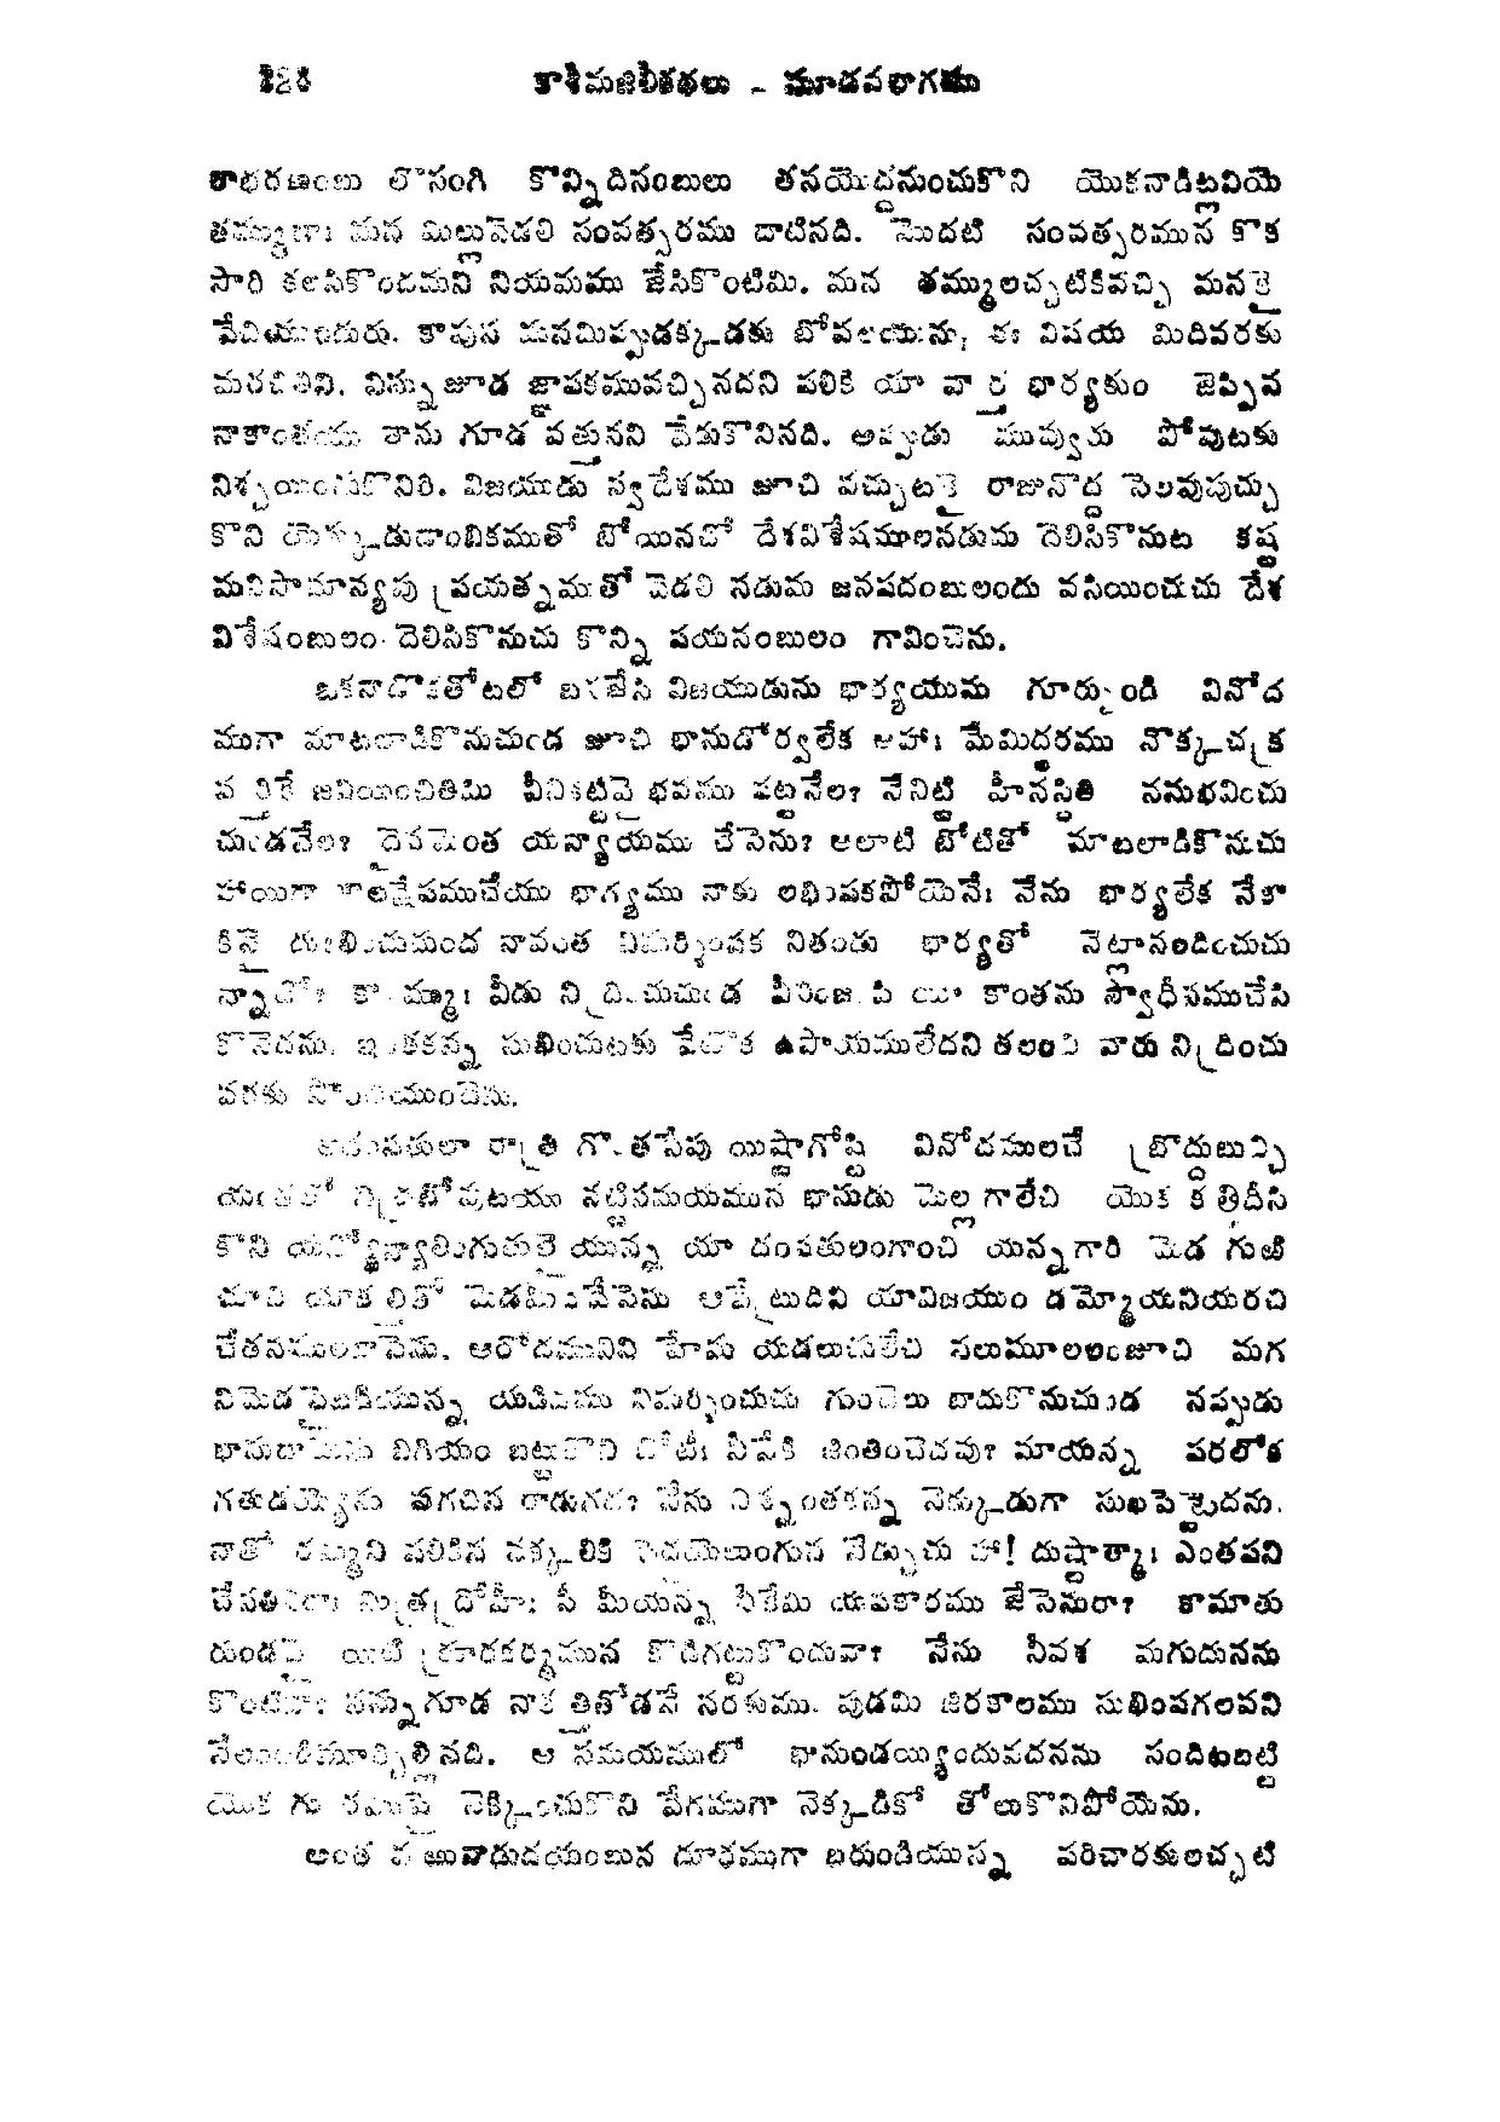తాభరణంబు లొసంగి కొన్నిదినంబులు తనయొద్ద నుంచుకొని యొకనా డిట్లనియె తమ్ముడా! మన మిల్లువెడలి సంవత్సరము దాటినది. మొదటి సంవత్సరమున కొకసారి కలసికొందుమని నియమము జేసికొంటిమి. మన తమ్ము లచ్చటికి వచ్చి మనకై వేచియుందురు. కావున మన మిప్పు డక్కడకు బోవలయును. ఈ విషయ మిదివరకు మరచితిని. నిన్ను జూడ జ్ఞాపకము వచ్చినదని పలికి యా వార్త భార్యకుం జెప్పిన నాకాంతయు తాను గూడ వత్తునని వేడుకొనినది. అప్పుడు మువ్వురు పోవుటకు
నిశ్చయించుకొనిరి. విజయుడు స్వదేశము జూచి వచ్చుటకై రాజునొద్ద సెలవుపుచ్చుకొని యెక్కుడు డాంబికముతో బోయినచో దేశవిశేషములనడుమ దెలిసికొనుట కష్టమని సామాన్యపు ప్రయత్నముతో వెడలి నడుమ జనపదంబులందు వసియించచు దేశవిశేషంబులం దెలిసికొనుచు కొన్ని పయనంబులం గావించెను.

ఒకనా డొకతోటలో బసజేసి విజయుడును భార్యయును గూర్చుండి వినోదముగా మాటలాడికొనుచుండ జూచి భాను డోర్వలేక ఆహా! మేమిద్దరము నొక్కచక్రవర్తికే జనియించితిమి వీనికట్టివైభవము పట్టనేల? నేనిట్టి హీనస్థితి ననుభవించు చుండనేల? దైవమెంత యన్యాయము చేసెను? ఆలాటి బోటితో మాటలాడికొనుచు హాయిగా కాలక్షేపముచేయు భాగ్యము నాకు లభింపకపోయెనే! నేను భార్యలేక నేకాకినై దుఃఖించుచుండ నావంత విమర్శింపక నితండు భార్యతో నెట్లానందించుచున్నాడో? కానిమ్ము? వీడు నిద్రించుచుండ వీని జంపి యీ కాంతను స్వాధీనముచేసికొనెదను. ఇంతకన్న సుఖించుటకు వేఱొక ఉపాయము లేదని తలంచి వారు నిద్రించువరకు పొంచియుండెను.

ఆదంపతులా రాత్రి గొంతసేపు యిష్టాగోష్టి వినోదములచే బ్రొద్దుబుచ్చి యంతలో నిద్రబోవుటయు
నట్టిసమయమున భానుడు మెల్లగాలేచి యొక కత్తిదీసికొని యన్యోన్యాలింగుతులై యున్న యా దంపతులంగాంచి యన్నగారి మెడ గుఱిచూచి యాకత్తితో మెడమీదవేసెను ఆవ్రేటుదిని యావిజయుం డమ్మోయనియరచి చేతనములబాపెను. ఆరోదమువిని హేమ యడలుచులేచి నలుమూలలంజూచి మగనిమెడపైబడియున్న యడిదము విమర్శించుచు గుండెలు బాదుకొనుచుండ నప్పుడు భాను డామెను బిగియం బట్టుకొని బోటీ! నీవేటికి జింతించెదవు? మాయన్న పరలోకగతుడయ్యెను వగచిన రాడుగద? నేను నిన్నంతకన్న నెక్కుడుగా సుఖపెట్టెదను. నాతో రమ్మని పలికిన నక్కలికి పెద్దయెలుంగున నేడ్చుచు హా! దుష్టాత్మా! ఎంతపని చేసితివిరా? మిత్రద్రోహీ? సీ మీయన్న నీకేమి యపకారము జేసెనురా? కామాతురుండవై యిట్టి క్రూరకర్మమున కొడిగట్టుకొందువా? నేను నీవశ మగుదునను కొంటివా? నన్నుగూడ నాకత్తితోడనే నరకుము. పుడమి జిరకాలము సుఖింపగలవని నేలంబడిమూర్చిల్లినది. ఆ సమయములో భానుండయ్యిందువదనను సందిటబట్టి యొక గుర్రముపై నెక్కించుకొని వేగముగా నెక్కడికో తోలుకొనిపోయెను.

అంత మఱునా డుదయంబున దూరముగా బరుండియున్న పరిచారకు లచ్చటి